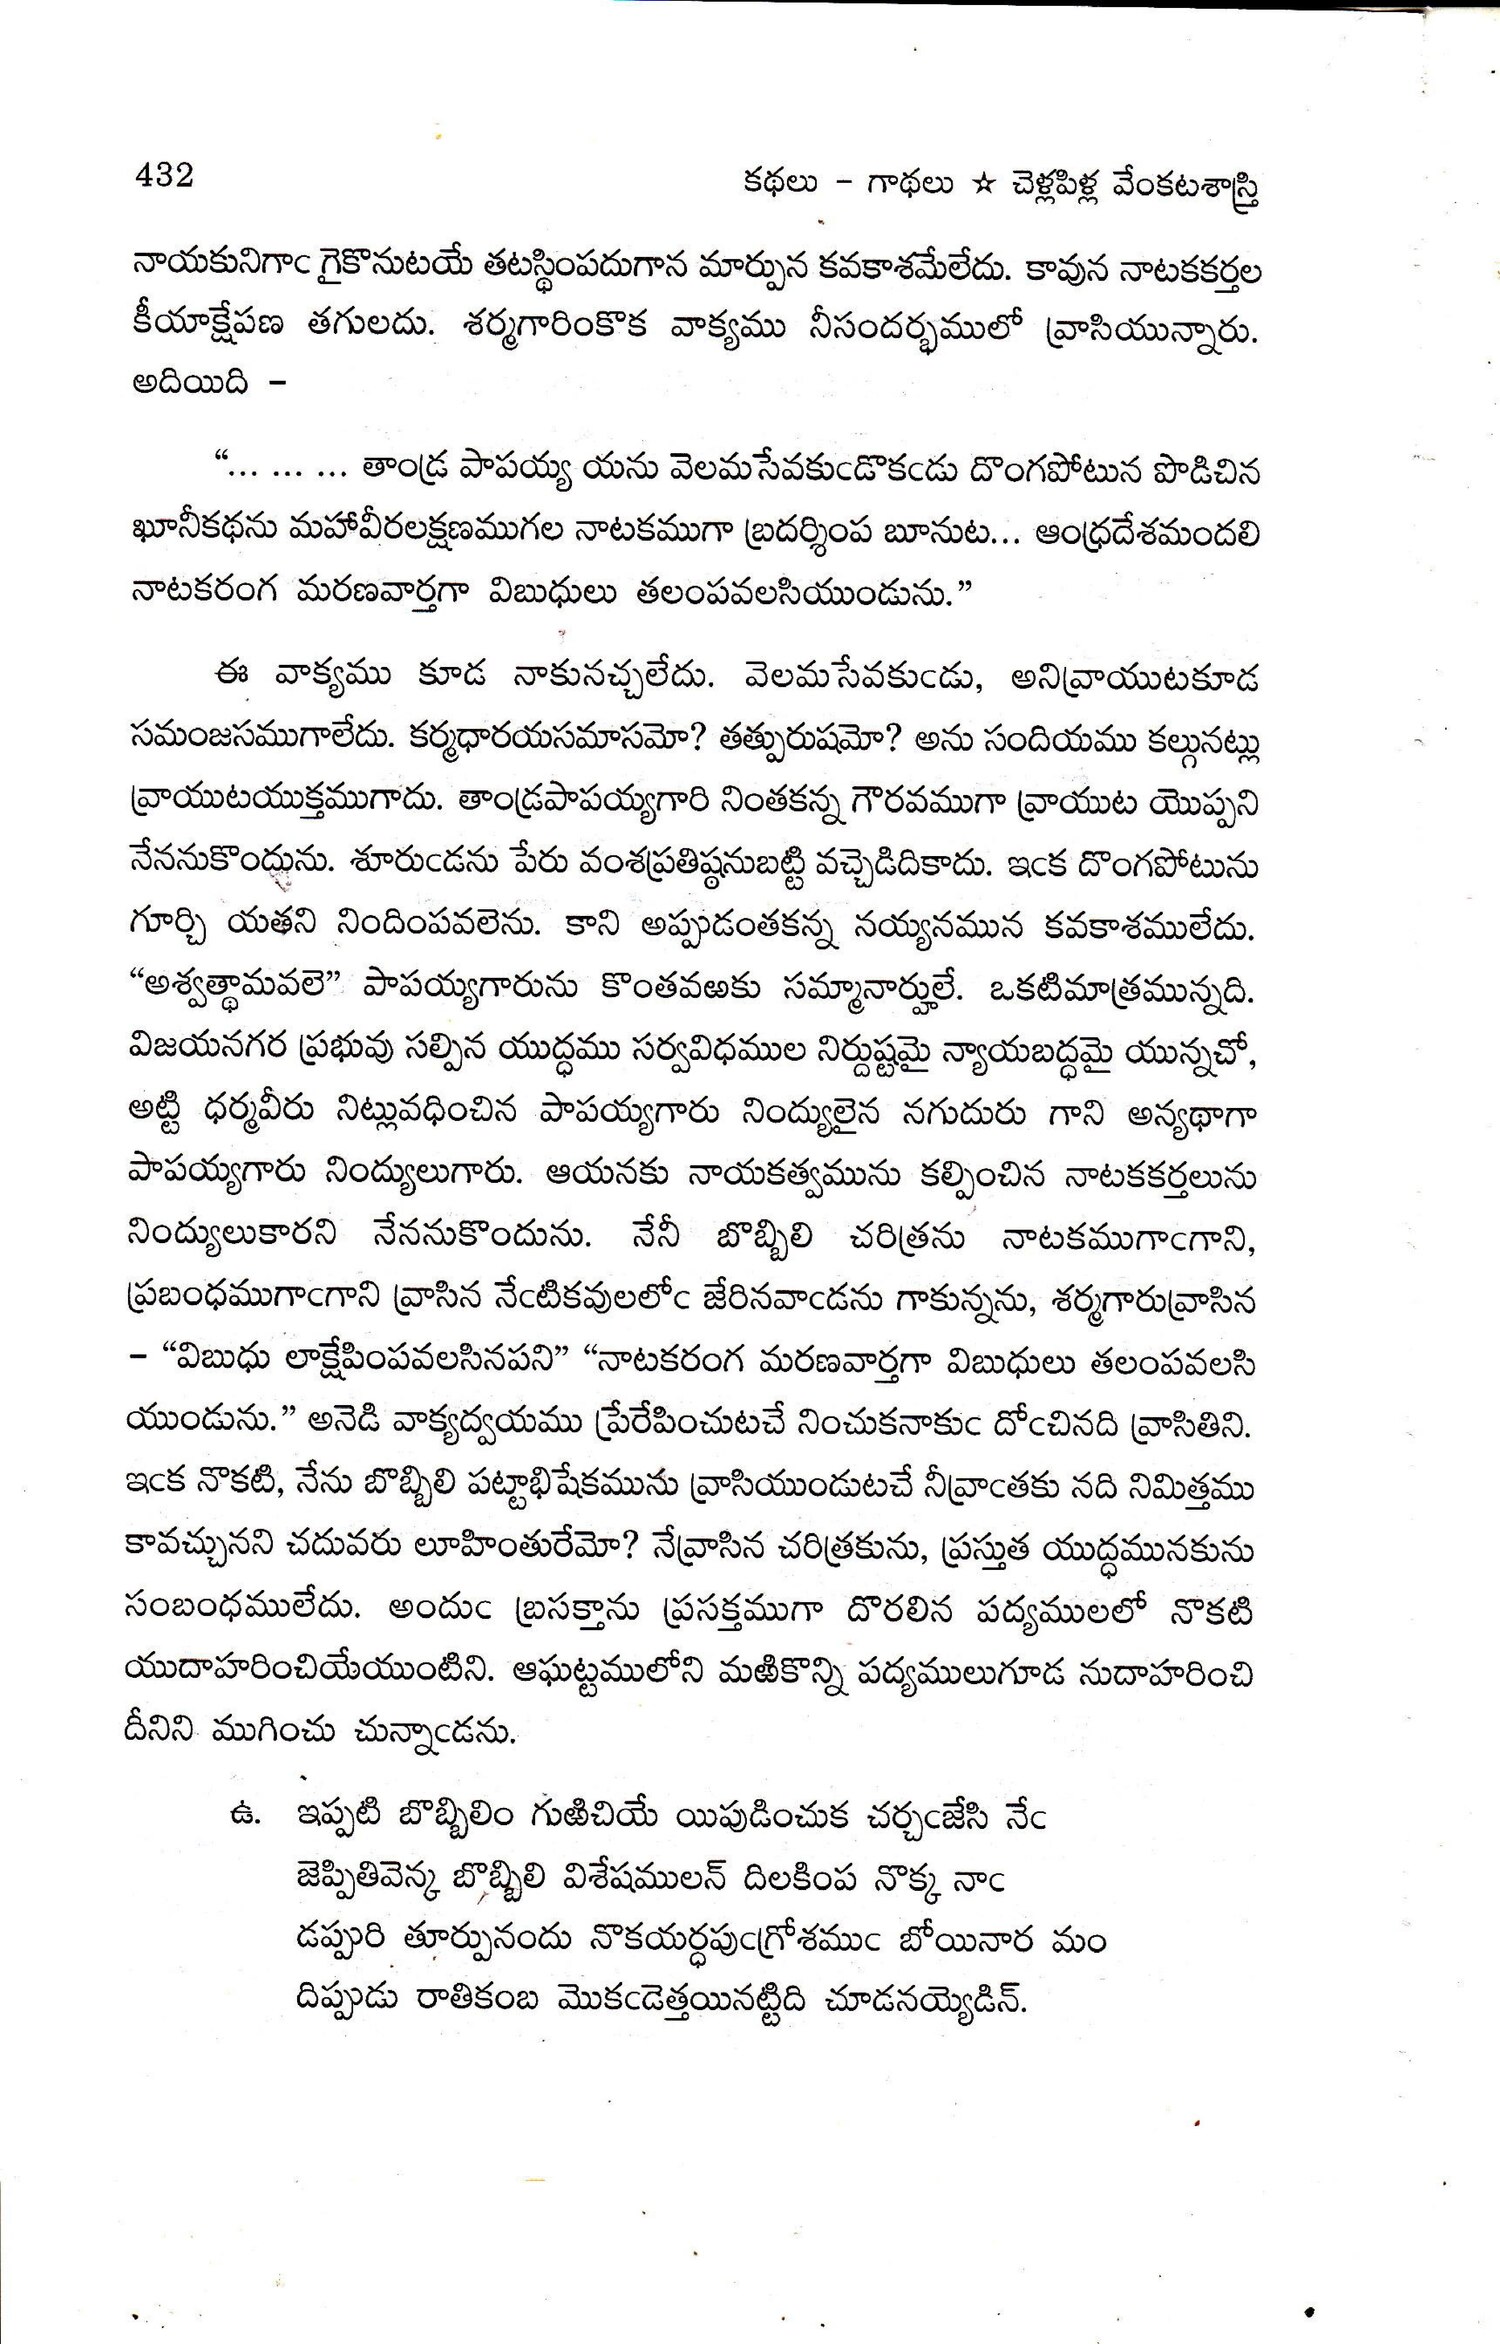నాయకునిగాఁ గైకొనుటయే తటస్థింపదుగాన మార్పున కవకాశమేలేదు. కావున నాటకకర్తల కీయాక్షేపణ తగులదు. శర్మగారింకొక వాక్యము నీసందర్భములో వ్రాసియున్నారు. అదియిది -

"... ... ... తాండ్ర పాపయ్య యను వెలమసేవకుఁడొకఁడు దొంగపోటున పొడిచిన ఖూనీకథను మహావీరలక్షణముగల నాటకముగా బ్రదర్శింప బూనుట. ఆంధ్రదేశమందలి నాటకరంగ మరణవార్తగా విబుధులు తలంపవలసియుండును.” . . .

ఈ వాక్యము కూడ నాకునచ్చలేదు. వెలమసేవకుఁడు, అని వ్రాయుటకూడ సమంజసముగాలేదు. కర్మధారయసమాసమో? తత్పురుషమో? అనుసందియము కల్లునట్లు వ్రాయుటయుక్తముగాదు. తాండ్రపాపయ్యగారి నింతకన్న గౌరవముగా వ్రాయుట యొప్పని నేననుకొందును. శూరుఁడను పేరు వంశప్రతిష్ఠనుబట్టి వచ్చెడిదికాదు. ఇఁక దొంగపోటును గూర్చి యతని నిందింపవలెను. కాని అప్పుడంతకన్న నయ్యనమున కవకాశములేదు. "అశ్వత్థామవలె" పాపయ్యగారును కొంతవఱకు సమ్మానార్హులే. ఒకటిమాత్రమున్నది. విజయనగర ప్రభువు సల్పిన యుద్ధము సర్వవిధముల నిర్దుష్టమై న్యాయబద్ధమై యున్నచో, అట్టి ధర్మవీరు నిట్లువధించిన పాపయ్యగారు నింద్యులైన నగుదురు గాని అన్యథాగా పాపయ్యగారు నింద్యులుగారు. ఆయనకు నాయకత్వమును కల్పించిన నాటకకర్తలును నింద్యులుకారని నేననుకొందును. నేనీ బొబ్బిలి చరిత్రను నాటకముగాఁగాని, ప్రబంధముగాఁగాని వ్రాసిన నేఁటికవులలోఁ జేరినవాఁడను గాకున్నను, శర్మగారువ్రాసిన - "విబుధు లాక్షేపింపవలసినపని” “నాటకరంగ మరణవార్తగా విబుధులు తలంపవలసి యుండును." అనెడి వాక్యద్వయము ప్రేరేపించుటచే నించుకనాకుఁ దోఁచినది వ్రాసితిని. ఇఁక నొకటి, నేను బొబ్బిలి పట్టాభిషేకమును వ్రాసియుండుటచే నీ వ్రాఁతకు నది నిమిత్తము కావచ్చునని చదువరు లూహింతురేమో? నేవ్రాసిన చరిత్రకును, ప్రస్తుత యుద్ధమునకును సంబంధములేదు. అందుఁ బ్రసక్తాను ప్రసక్తముగా దొరలిన పద్యములలో నొకటి యుదాహరించియేయుంటిని. ఆఘట్టములోని మఱికొన్ని పద్యములుగూడ నుదాహరించి దీనిని ముగించు చున్నాఁడను.

ఉ. ఇప్పటి బొబ్బిలిం గుఱిచియే యిపుడించుక చర్చఁజేసి నేఁ
 జెప్పితివెన్క బొబ్బిలి విశేషములన్ దిలకింప నొక్క నాఁ 
 డప్పురి తూర్పునందు నొకయర్ధపుఁగ్రోశముఁ బోయినార మం 
 దిప్పుడు రాతికంబ మొకఁడెత్తయినట్టిది చూడనయ్యెడిన్.